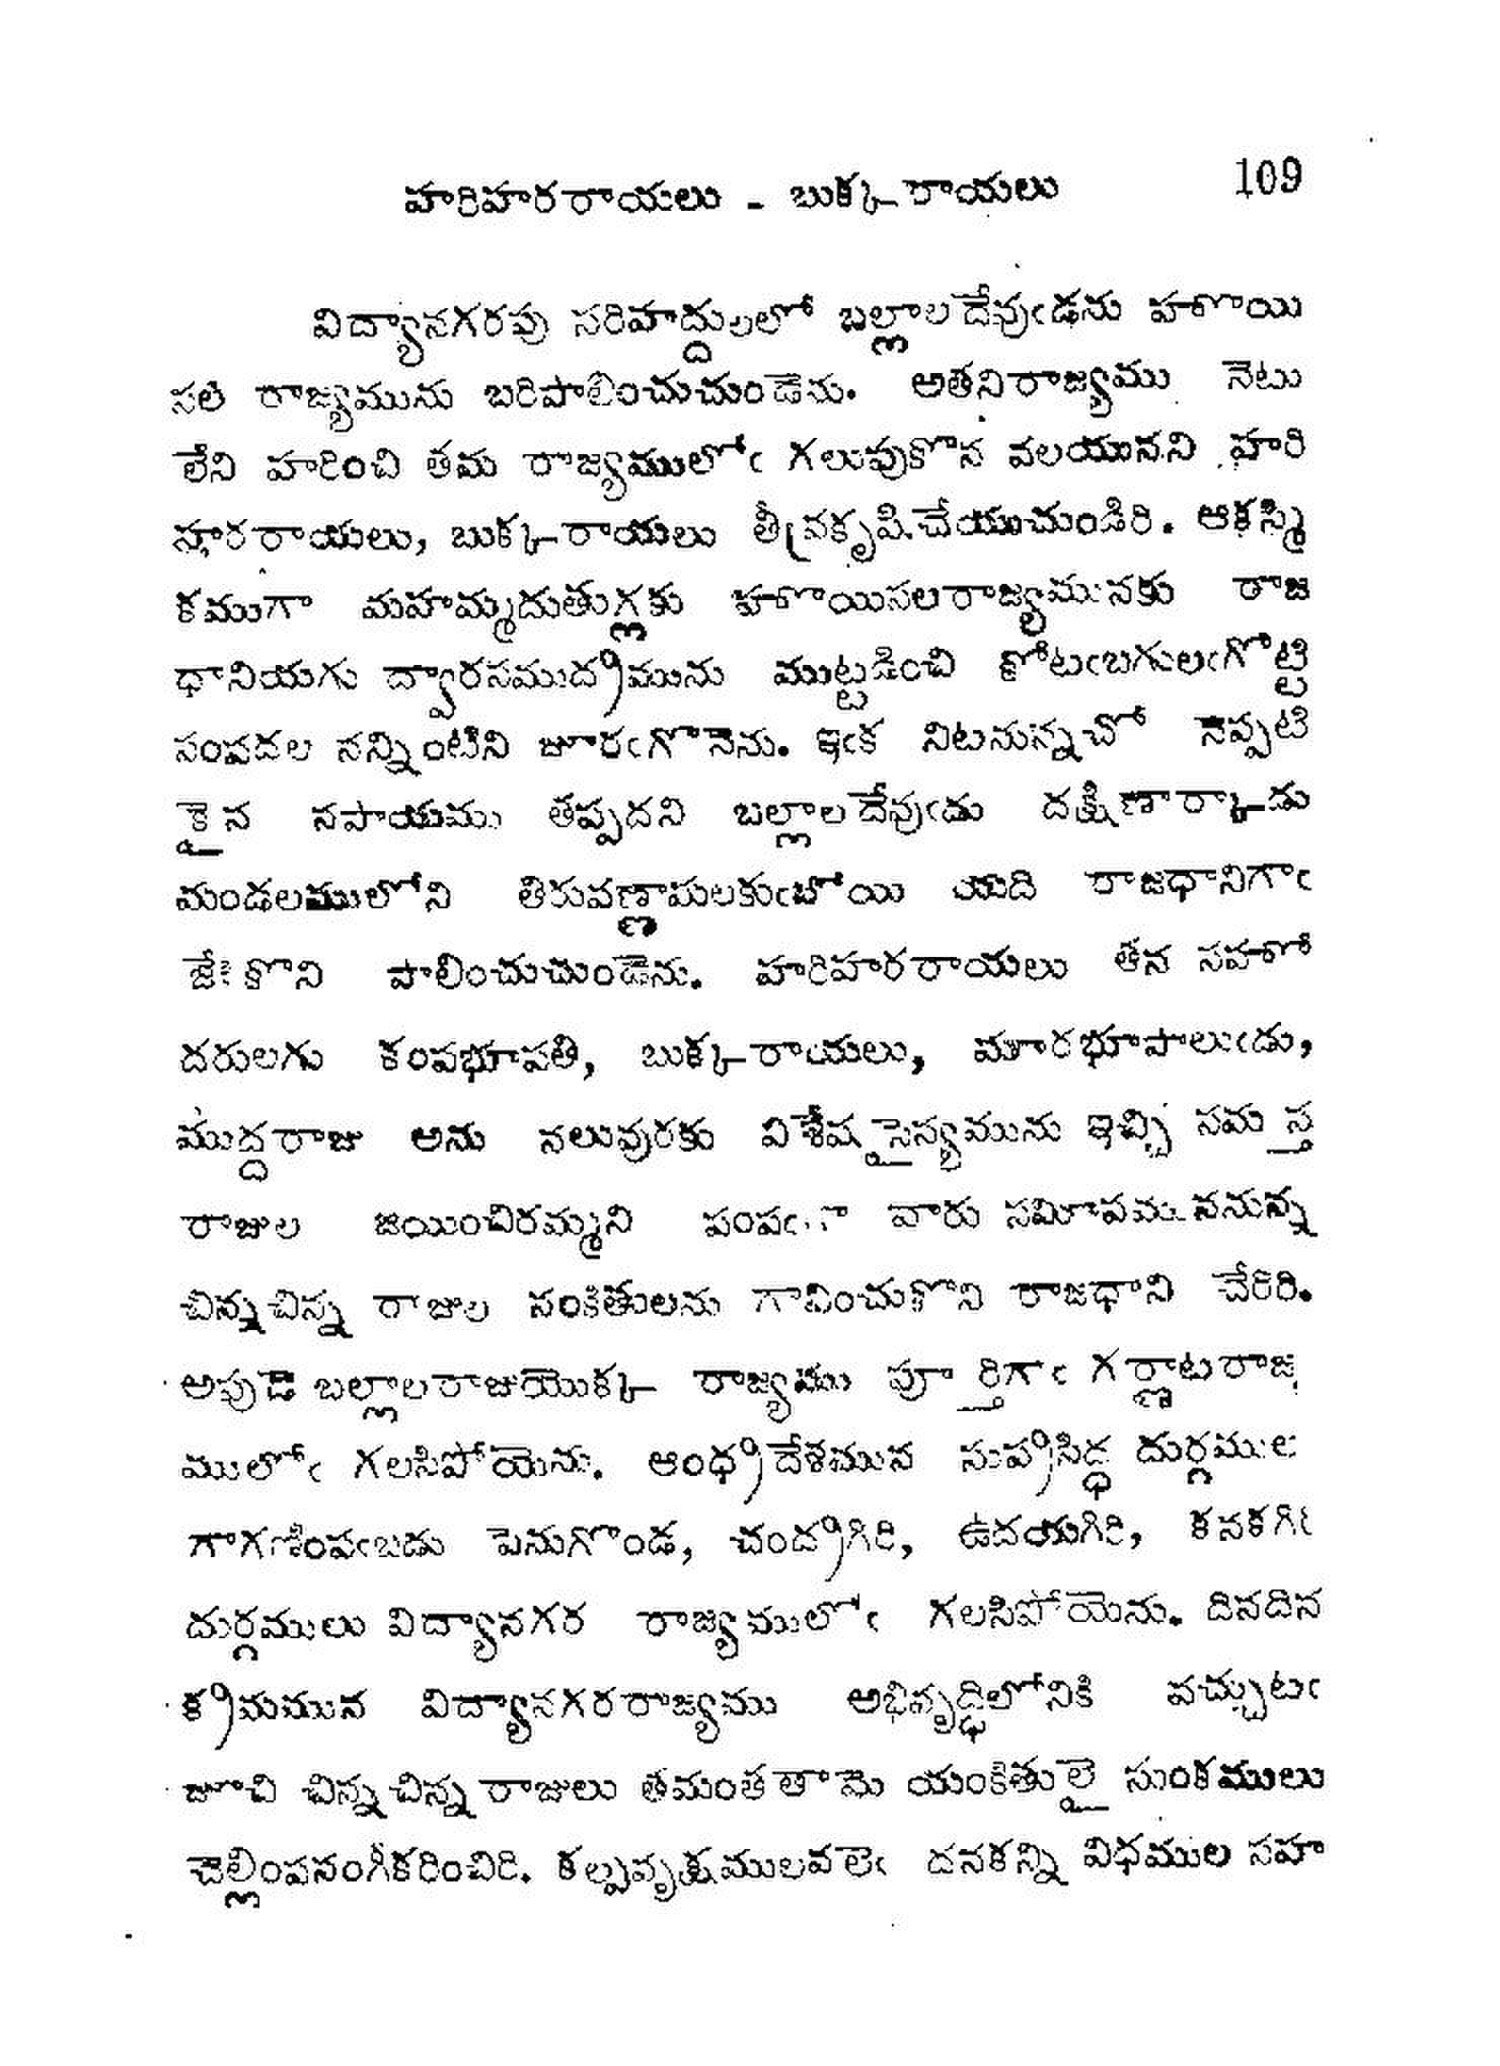విద్యానగరపు సరిహద్దులలో బల్లాలదేవుడను హొయిసలి రాజ్యమును బరిపాలించుచుండెను. అతనిరాజ్యము నెటులేని హరించి తమ రాజ్యములో గలుపుకొన వలయునని హరిహరరాయలు, బుక్కరాయలు తీవ్రకృషిచేయుచుండిరి. ఆకస్మికముగా మహమ్మదుతుగ్లకు హొయిసలరాజ్యమునకు రాజధానియగు ద్వారసముద్రమును ముట్టడించి కోటబగులగొట్టి సంపదల నన్నింటిని జూరగొనెను. ఇక నిటనున్నచో నెప్పటికైన నపాయము తప్పదని బల్లాలదేవుడు దక్షిణార్కాడు మండలములోని తిరువణ్ణామలకుబోయి యది రాజధానిగా జేసికొని పాలించుచుండెను. హరిహరరాయలు తన సహోదరులగు కంపభూపతి, బుక్కరాయలు, మారభూపాలుడు, ముద్దరాజు అను నలువురకు విశేషసైన్యమును ఇచ్చి సమస్త రాజుల జయించిరమ్మని పంపగా వారు సమీపముననున్న చిన్నచిన్న రాజుల నంకితులను గావించుకొని రాజధాని చేరిరి. అపుడె బల్లాలరాజుయొక్క రాజ్యము పూర్తిగా గర్ణాటరాజ్యములో గలసిపోయెను. ఆంధ్రదేశమున సుప్రసిద్ధ దుర్గములగా గణింపబడు పెనుగొండ, చంద్రగిరి, ఉదయగిరి, కనకగిరి దుర్గములు విద్యానగర రాజ్యములో గలసిపోయెను. దినదినక్రమమున విద్యానగరరాజ్యము అభివృద్ధిలోనికి వచ్చుట జూచి చిన్నచిన్నరాజులు తమంతతామె యంకితులై సుంకములు చెల్లింపనంగీకరించిరి. కల్పవృక్షములవలె దనకన్ని విధముల సహ